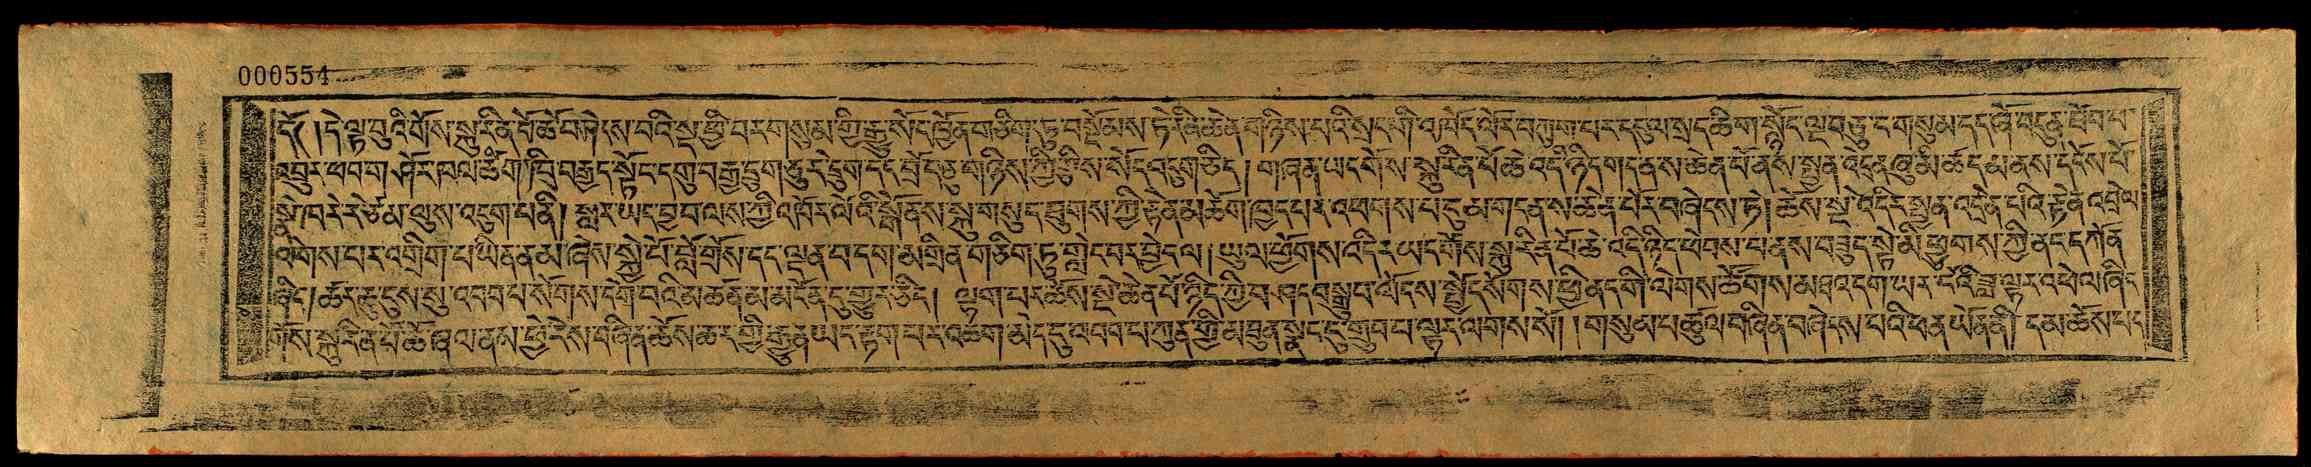དོ༑ །དེ་ལྟ་བུའི་གོས་སྐུ་རིན་པོ་ཆེ་བཞེངས་པའི་སྔ་ཕྱི་བར་གསུམ་གྱི་རྒྱུ་སོང་ཁྱོན་གཅིག་ཏུ་བསྔོམས་ཏེ་རིན་ཆེན་གཉིས་པའི་སྲང་གི་འཁོར་ལོར་བཀུག་པར་དངུལ་སྲང་ཆིག་སྟོང་ལྔ་བཅུ་ང་གསུམ་དང་ཞོ་བདུན་ཐོབ་བ་
འབྲུར་ཕབ་གཤོར་ཁལ་ཆིག་ཁྲི་བརྒྱད་སྟོང་དགུ་བརྒྱ་དྲུག་ཅུ་རེ་དྲུག་དང་བྲེ་བཅུ་གཉིས་ཀྱི་རྩིས་སོང་འདུག་ཅིང་། གཞན་ཡང་གོས་སྐུ་རིན་པོ་ཆེ་འདི་ཉིད་གདན་ས་ཆེན་པོ་ནས་སྤྱན་འདྲེན་ཞུ་མི་ཚང་མ་ནས་དངོས་པོ་
སྣེ་ཁ་རེ་རེ་ཙམ་ལུས་འདུག་པ་ནི། སླར་ཡང་བྱ་བ་ལས་ཀྱི་འཁོར་ལོའི་སྒོ་ནས་སྐུ་གསུང་ཐུགས་ཀྱི་རྟེན་མཆོག་ཁྱད་པར་འཕགས་པ་དུ་མ་གདན་ས་ཆེན་པོར་བཞེངས་ཏེ། ཆོས་སྡེ་འདིར་སྤྱན་འདྲེན་པའི་རྟེན་འབྲེལ་
ལེགས་པར་འགྲིག་པ་ཡིན་ནམ་ཞེས་སྐྱེ་བོ་བློ་གྲོས་དང་ལྡན་པ་དག་མགྲིན་གཅིག་ཏུ་གླེང་བར་བྱེད་ལ། ཡུལ་ཕྱོགས་འདིར་ཡང་གོས་སྐུ་རིན་པོ་ཆེ་འདི་ཉིད་ཕེབས་པ་ནས་བཟུང་སྟེ་མི་ཕྱུགས་ཀྱི་ནང་དཀོན་
ཞིང་། ཆར་ཆུ་དུས་སུ་འབབ་པ་སོགས་དགེ་བའི་མཚན་མ་མངོན་དུ་གྱུར་ཅིང་། ལྷག་པར་ཆོས་སྡེ་ཆེན་པོ་ཉིད་ཀྱི་བཤད་བསྒྲུབ་ལོངས་སྤྱོད་སོགས་ཕྱི་ནང་གི་ལེགས་ཚོགས་མཐའ་དག་ཡར་ངོའི་ཟླ་ལྟར་འཕེལ་ཞིང་
གོས་སྐུ་རིན་པོ་ཆེ་ཞལ་ནམ་ཕྱེ་རེས་བཞིན་ཆོས་ཆར་གྱི་རྒྱུན་ཡང་རྟག་པར་འཆག་མེད་དུ་འབབ་པ་ཀུན་གྱི་མཐུན་སྣང་དུ་གྲུབ་པ་ལྟར་ལགས་སོ། །གསུམ་པ་ཚུལ་བཞིན་བཞེངས་པའི་ཕན་ཡོན་ནི། དམ་ཆོས་པད་